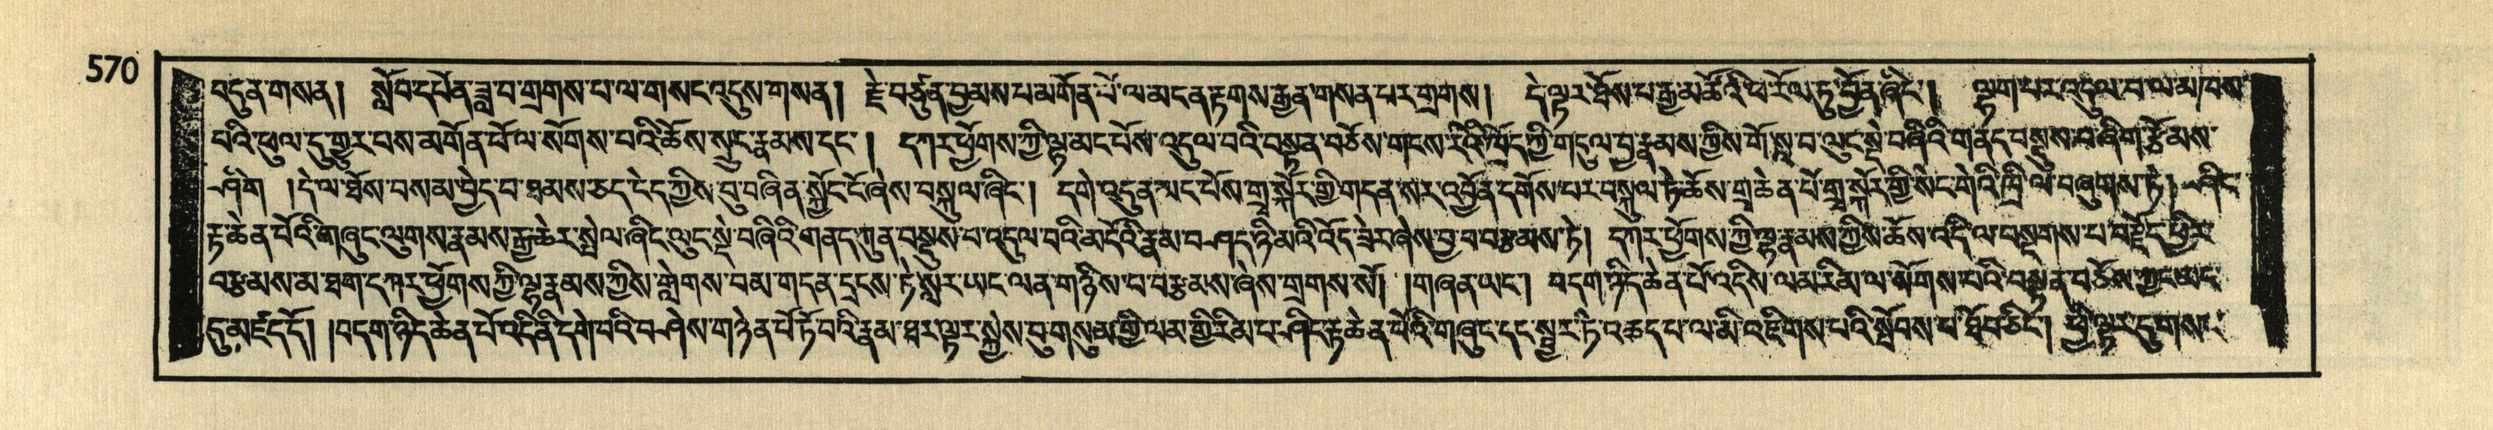བདུན་གསན། སློབ་དཔོན་ཟླ་བ་གྲགས་པ་ལ་གསང་འདུས་གསན། རྗེ་བཙུན་བྱམས་པ་མགོན་པོ་ལ་མངན་རྟགས་རྒྱན་གསན་པར་གྲགས། དེ་ལྟར་ཐོས་པ་རྒྱ་མཚོའི་ཕ་རོལ་ཏུ་བྱོན་ཞིང་། ལྷག་པར་འདུལ་བ་ལ་མཁས་
པའི་ཕུལ་དུ་གྱུར་བས་མགོན་པོ་ལ་སོགས་པའི་ཆོས་སྲུང་རྣམས་དང་། དཀར་ཕྱོགས་ཀྱི་ལྷ་མང་པོས་འདུལ་བའི་བསྟན་བཅོས་གངས་རིའི་ཁྲོད་ཀྱི་གདུལ་བྱ་རྣམས་ཀྱིས་གོ་སླ་བ་ལུང་སྡེ་བཞིའི་གནད་བསྡུས་བ་ཞིག་རྩོམས་
ཤིག །དེ་ལ་ཐོས་བསམ་བྱེད་པ་ཐམས་ཅད་ངེད་ཀྱིས་བུ་བཞིན་སྐྱོང་ངོ་ཞེས་བསྐུལ་ཞིང་། དགེ་འདུན་མང་པོས་གྲྭ་སྐོར་གྱི་གདན་སར་འབྱོན་དགོས་པར་བསྐུལ་ཏེ་ཆོས་གྲྭ་ཆེན་པོ་གྲྭ་སྐོར་གྱི་སེང་གེའི་ཁྲི་ལ་བཞུགས་ཏེ། ཤིང་
རྟ་ཆེན་པོའི་གཞུང་ལུགས་རྣམས་རྒྱ་ཆེར་སྤེལ་ཞིང་ལུང་སྡེ་བཞིའི་གནད་ཀུན་བསྡུས་པ་འདུལ་བའི་མདོའི་རྣམ་བཤད་ཉི་མའི་འོད་ཟེར་ཞེས་བྱ་བ་བརྩམས་ཏེ། དཀར་ཕྱོགས་ཀྱི་ལྷ་རྣམས་ཀྱིས་ཆོས་འདི་ལ་བསྔགས་པ་བརྗོད་ཕྱིར་
བརྩམས་མ་ཐག་དཀར་ཕྱོགས་ཀྱི་ལྷ་རྣམས་ཀྱིས་གླེགས་བམ་གདན་དྲངས་ཏེ་སླར་ཡང་ལན་གཉིས་པ་བརྩམས་ཞེས་གྲགས་སོ། །གཞན་ཡང་། བདག་ཉིད་ཆེན་པོ་འདིས་ལམ་རིམ་ལ་སོགས་པའི་བསྟན་བཅོས་ཀྱང་མང་
དུ་མཛད་དོ། །བདག་ཉིད་ཆེན་པོ་འདི་ནི་དགེ་བའི་བཤེས་གཉེན་པོ་ཏོ་བའི་རྣམ་ཐར་ལྟར་སྐྱེས་བུ་གསུམ་གྱི་ལམ་གྱི་རིམ་པ་ཤིང་རྟ་ཆེན་པོའི་གཞུང་དང་སྦྱར་ཏེ་འཆད་པ་ལ་མི་འཇིགས་པའི་སྤོབས་པ་ཐོབ་ཅིང་། ཕྱི་ལྟར་དུ་གསང་